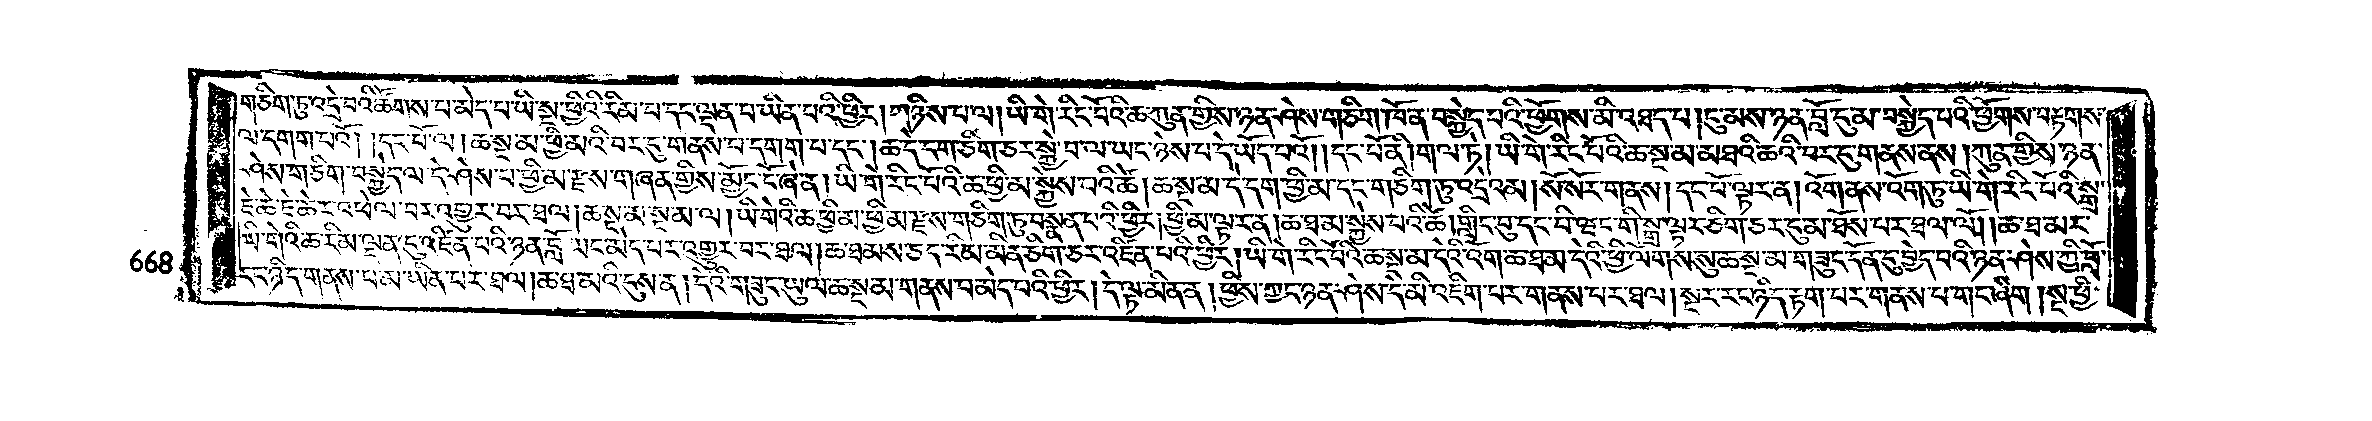གཅིག་ཏུ་འདྲེ་བའི་ཚོགས་པ་མེད་པ་ཡི་སྔ་ཕྱིའི་རིམ་པ་དང་ལྡན་པ་ཡིན་པའི་ཕྱིར། གཉིས་པ་ལ། ཡི་གེ་རིང་པོའི་ཆ་ཀུན་གྱིས་ཉན་ཤེས་གཅིག་ཁོ་ན་བསྐྱེད་པའི་ཕྱོགས་མི་འཐད་པ། དུ་མས་ཉན་བློ་དུ་མ་བསྐྱེད་པའི་ཕྱོགས་བརྟགས་
ལ་དགག་པའོ། །དང་པོ་ལ། ཆ་སྔ་མ་ཕྱི་མའི་བར་དུ་གནས་པ་དགག་པ་དང་། ཆ་དེ་དག་ཅིག་ཅར་སྐྱེ་བ་ལ་ཡང་ཉེས་པ་དེ་ཡོད་པའོ། །དང་པོ་ནི། གལ་ཏེ། ཡི་གེ་རིང་པོའི་ཆ་སྔ་མ་མཐའི་ཆའི་བར་དུ་གནས་ནས། ཀུན་གྱིས་ཉན་
ཤེས་གཅིག་བསྐྱེད་ལ་དེ་ཤེས་པ་ཕྱི་མ་རྫས་གཞན་གྱིས་མྱོང་ངོ་ཞེ་ན། ཡི་གེ་རིང་པོའི་ཆ་ཕྱི་མ་སྐྱེས་པའི་ཚེ། ཆ་སྔ་མ་དེ་དག་ཕྱི་མ་དང་གཅིག་ཏུ་འདྲེའམ། སོ་སོར་གནས། དང་པོ་ལྟར་ན། འོག་ནས་འོག་ཏུ་ཡི་གེ་རིང་པོའི་སྒྲ་
ཇེ་ཆེ་ཇེ་ཆེར་འཕེལ་བར་འགྱུར་བར་ཐལ། ཆ་སྔ་མ་སྔ་མ་ལ། ཡི་གེའི་ཆ་ཕྱི་མ་ཕྱི་མ་རྫས་གཅིག་ཏུ་བསྣན་པའི་ཕྱིར། ཕྱི་མ་ལྟར་ན། ཆ་ཐ་མ་སྐྱེས་པའི་ཚེ། གླིང་བུ་དང་པི་ཝང་གི་སྒྲ་ལྟར་ཅིག་ཅར་དུ་མ་ཐོས་པར་ཐལ་ལོ། །ཆ་ཐ་མར་
ཡི་གེའི་ཆ་རིམ་ལྡན་དུ་འཛིན་པའི་ཉན་བློ་ཡང་མེད་པར་འགྱུར་བར་ཐལ། ཆ་ཐམས་ཅད་རིམ་མིན་ཅིག་ཅར་འཛིན་པའི་ཕྱིར། ཡི་གེ་རིང་པོའི་ཆ་སྔ་མ་དེའི་འོག་ཆ་ཐ་མ་དེའི་ཕྱི་ལོགས་སུ་ཆ་སྔ་མ་གཟུང་དོན་དུ་བྱེད་པའི་ཉན་ཤེས་ཀྱི་བློ་
རང་ཉིད་གནས་པ་མ་ཡིན་པར་ཐལ། ཆ་ཐ་མའི་དུས་ན། དེའི་གཟུང་ཡུལ་ཆ་སྔ་མ་གནས་པ་མེད་པའི་ཕྱིར། དེ་ལྟ་མིན་ན། ཕྱིས་ཀྱང་ཉན་ཤེས་དེ་མི་འཇིག་པར་གནས་པར་ཐལ། སྔར་རང་ཉིད་རྟག་པར་གནས་པ་གང་ཞིག །སྔ་ཕྱི་